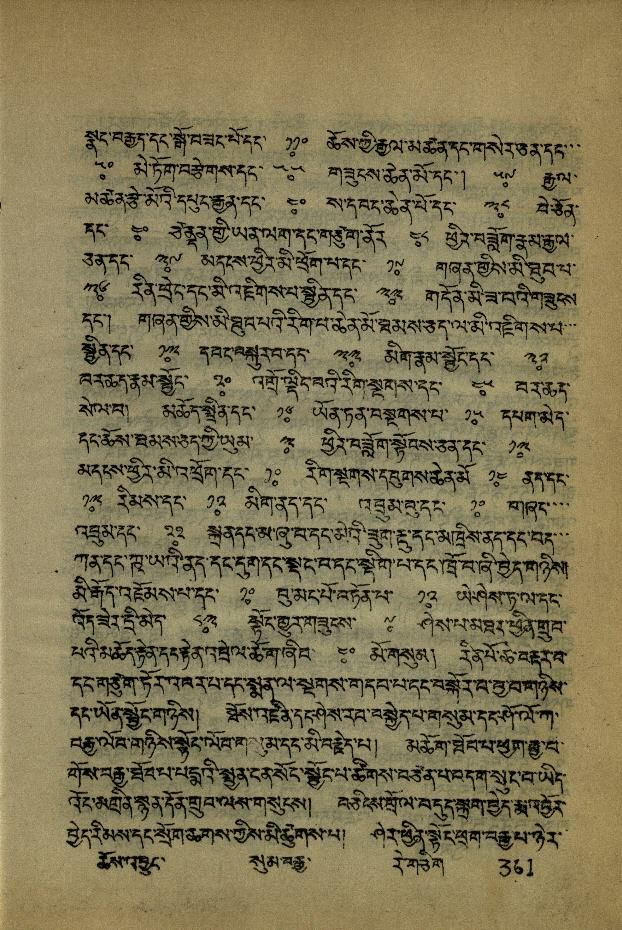སྣང་བརྒྱད་དང་སྒོ་བཟང་པོ་དང ༡༡༠་ཆོས་ཀྱི་རྒྱལ་མཚན་དང་གསེར་ཅན་དང་
༥༠་མེ་ཏོག་བརྩེགས་དང ༥༥་གཟུངས་ཆེན་མོ་དང་། ༥༧་རྒྱལ་
མཚན་རྩེ་མོའི་དཔུང་རྒྱན་དང ༤༠་ས་དབང་ཆེན་པོ་དང ༣༨་བེ་ཅོན་
དང ༤༠་ཙནྡན་གྱི་ཡན་ལག་དང་གཙུག་ནོར ༤༨་ཕྱིར་བཟློག་རྣམ་རྒྱལ་
ཅན་དང ༣༧་མདངས་ཕྱིར་མི་ཕྲོག་པ་དང ༡༧་གཞན་གྱིས་མི་ཐུབ་པ་
༣༦་རིན་ཕྲེང་དང་མི་འཇིགས་པ་སྦྱིན་དང ༣༣་གདོན་མི་ཟ་བའི་གཟུངས་
དང་། གཞན་གྱིས་མི་ཐུབ་པའི་རིག་པ་ཆེན་མོ་ཐམས་ཅད་ལ་མི་འཇིགས་པ་
སྦྱིན་དང ༡༣་དབང་བསྐུར་པ་དང་། ༣༣་མིག་རྣམ་སྦྱོང་དང ༣༢
བར་ཆད་རྣམ་སྦྱོང ༢༠་འགྲོ་ལྡིང་བའི་རིག་སྔགས་དང ༤༥་བར་ཆད་
སེལ་བ། མཆོད་སྤྲིན་དང ༢༦་ཡིན་ཏན་བསྔགས་པ ༡༥་དཔག་མེད་
དང་ཆོས་ཐམས་ཅད་ཀྱི་ཡུམ ༡༣་ཕྱིར་བ་ཟློག་སྟོབས་ཅན་དང ༡༣
མདངས་ཕྱིར་མི་འཕྲོག་དང ༡༠་རིག་སྔགས་དབུགས་ཆེན་མོ ༡༤་ནད་དང་
༡༣་རིམས་དང་། ༡༢་མིག་ནད་དང་། འབྲུམ་བུ་དང་། ༡༠་གཞང་
འབྲུམ་དང ༢༢་སྐྲན་དང་མ་ཞུ་བ་དང་མེའི་ཟུག་རྡུ་དང་མཁྲིས་ནད་དང་བད་
ཀན་དང་ཀྵ་ཡའི་ནད་དང་དུག་དང་སྡང་བ་དང་སྡིག་པ་དང་ཁྲོ་བ་ཞི་བྱེད་གཉིས།
མི་རྒོད་འཇོམས་པ་དང ༡༠་བུ་མང་པོ་བཏོན་པ ༡༢་ཡེ་ཤེས་ཏ་ལ་དང་
འོད་ཟེར་ཏྲི་མེད ༡༣་སྟོང་གྱུར་གཟུངས་ཤེས་པ་མཐར་ཕྱིན་གྲུབ་
པའི་མཆོད་རྟེན་དང་རྟེན་འབྲེལ་ཆོ་ག་ཞི་བ ༤༠་མོ་གསུམ། རིན་པོ་ཆེ་བརྡར་བ་
དང་གཙུག་ཏོར་འབར་པ་དང་སྨན་ལ་སྔགས་གདབ་པ་དང་བསྐོར་བ་བྱ་བ་གཉིས་
དང་ཡོན་སྦྱོང་གཉིས། ཐོས་འཛིན་དང་ཤེས་རབ་བསྐྱེད་པ་གསུམ་དང་ཤོ་ལོ་ཀ་
བརྒྱ་ལོ་བ་གཉིས་སྟོང་ལོ་བ་གསུམ་དང་མི་བརྗེད་པ། མཆོག་ཐོབ་པ་ཕྱག་བྱ་བ་
གོས་བརྒྱ་ཐོབ་པ་པདམའི་སྤྱན་ངན་སོང་སྦྱོང་པ་ཚིག་བཙན་པ་འདག་སླུང་བ་ཡིད་
འོང་མགྲིན་སྙན་དོན་གྲུབ་ལས་གསུངས། བཅིངས་གྲོལ་བདུད་སྒྲག་བྱེད་མ་འབྱོར་
བྱེད་རིམས་དང་སྲོག་ཆགས་ཀྱིས་མི་ཚུགས་པ། ཤེར་ཕྱིན་སྟོང་ཕྲག་བརྒྱ་པ་ཉེར་